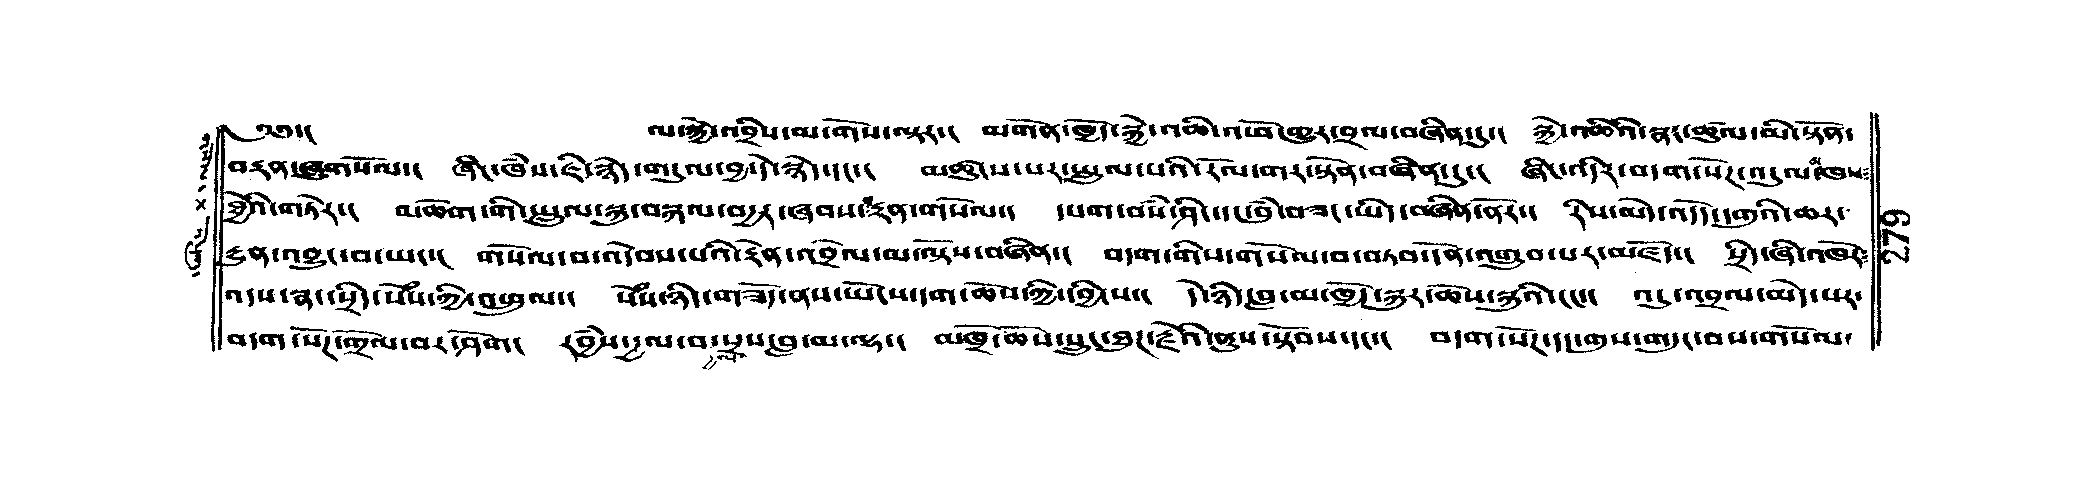ལ་སྐྱེ་བྲིས་མ་གོས་ལྟར། མགོན་ཁྱོད་སྐྱེ་འཆི་འཕོ་འགྱུར་བྲལ་བཞིན་དུ། །སྐྱེ་འཆིའི་སྣང་ཚུལ་མི་སྟོན་
བརྟན་བཞུགས་གསོལ། །ཞིང་ཁམས་ཇི་སྙེད་གདུལ་བྱ་དེ་སྙེད་དང་། །མཚུངས་པར་སྤྲུལ་པའི་རོལ་གར་སྟོན་བཞིན་དུ། །ཞིང་འདིར་བདག་སོགས་གདུལ་མཁས་
ཐུགས་རྗེའི་གཏེར། །མཆོག་གི་སྤྲུལ་སྐུ་བསྐལ་བརྒྱར་ཞབས་བརྟན་གསོལ། །དཔག་བསམ་ཤིང་དང་བུམ་བཟང་ཡིད་བཞིན་ནོར། །རིས་མེད་འདོད་དགུའི་ཆར་
རྒྱུན་འབྱུང་བ་ཡང་། །གསོལ་བ་འདེབས་པའི་རྟེན་འབྲེལ་མ་ལྟོས་བཞིན། །བདག་གིས་གསོལ་བ་བཏབ་དོན་འགྲུབ་པར་མཛོད། །སྲིད་ཞི་འཁོར་
འདས་སྣང་སྲིད་སེམས་ཀྱི་འཕྲུལ། །སེམས་ཉིད་གཟོད་ནས་ཡོངས་དག་ཆོས་ཀྱི་དབྱིངས། །དེ་ཉིད་བླ་མ་ཁྱོད་སྐུར་ཆོས་སྐུའི་ངང་། །འདུ་འབྲལ་མེད་པར་
བདག་སོགས་གྲོལ་བར་ཤོག །རབ་འབྱམས་རྒྱལ་བ་རྒྱལ་སྲས་བླ་མ་ལྷ། །མཁའ་འགྲོ་ཆོས་སྲུང་ཐུགས་རྗེའི་ནུས་སྟོབས་དང་། །བདག་སོགས་དད་གུས་གདུང་བས་གསོལ་